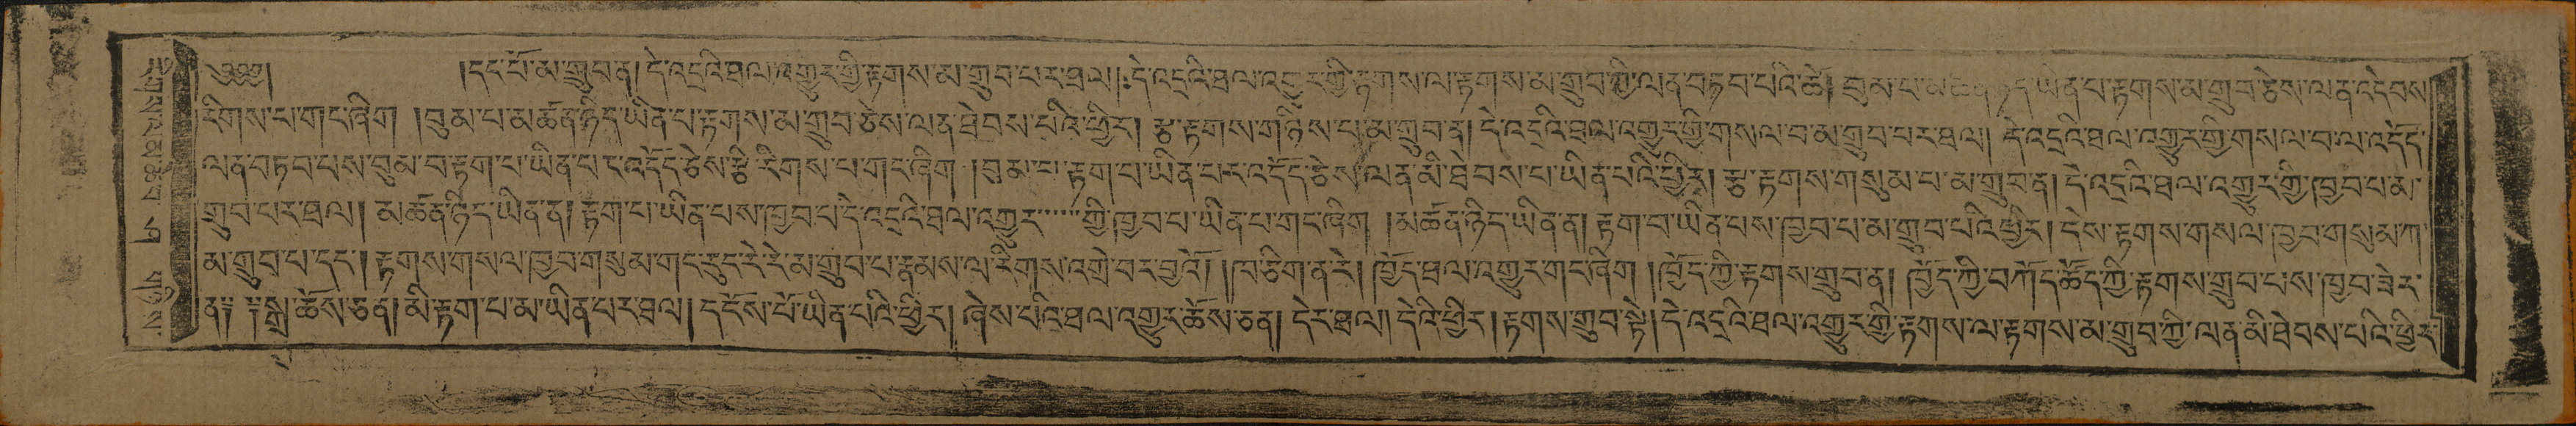༄༅། །དང་པོ་མ་གྲུབ་ན། དེ་འདྲའི་ཐལ་འགྱུར་གྱི་རྟགས་མ་གྲུབ་པར་ཐལ། དེ་འདྲའི་ཐལ་འགྱུར་གྱི་རྟགས་ལ་རྟགས་མ་གྲུབ་ཀྱི་ལན་བཏབ་པའི་ཚེ། བུམ་པ་མཚན་ཉིད་ཡིན་པ་རྟགས་མ་གྲུབ་ཅེས་ལན་འདེབས་
རིགས་པ་གང་ཞིག །བུམ་པ་མཚན་ཉིད་ཡིན་པ་རྟགས་མ་གྲུབ་ཅེས་ལན་ཐེབས་པའི་ཕྱིར། རྩ་རྟགས་གཉིས་པ་མ་གྲུབ་ན། དེ་འདྲའི་ཐལ་འགྱུར་གྱི་གསལ་བ་མ་གྲུབ་པར་ཐལ། དེ་འདྲའི་ཐལ་འགྱུར་གྱི་གསལ་བ་ལ་འདོད་
ལན་བཏབ་པས་བུམ་བ་རྟག་པ་ཡིན་པར་འདོད་ཅེས་རྩི་རིགས་པ་གང་ཞིག། བུམ་པ་རྟག་པ་ཡིན་པར་འདོད་ཅེས་ལན་མི་ཐེབས་པ་ཡིན་པའི་ཕྱིར། རྩ་རྟགས་གསུམ་པ་མ་གྲུབ་ན། དེ་འདྲའི་ཐལ་འགྱུར་གྱི་ཁྱབ་པ་མ་
གྲུབ་པར་ཐལ། མཚན་ཉིད་ཡིན་ན། རྟག་པ་ཡིན་པས་ཁྱབ་པ་དེ་འདྲའི་ཐལ་འགྱུར་གྱི་ཁྱབ་པ་ཡིན་པ་གང་ཞིག །མཚན་ཉིད་ཡིན་ན། རྟག་པ་ཡིན་པས་ཁྱབ་པ་མ་གྲུབ་པའི་ཕྱིར། དེས་རྟགས་གསལ་ཁྱབ་གསུམ་ཀ་
མ་གྲུབ་པ་དང་། རྟགས་གསལ་ཁྱབ་གསུམ་གང་རུང་རེ་རེ་མ་གྲུབ་པ་རྣམས་ལ་རིགས་འགྲེ་བར་བྱའོ། །ཁ་ཅིག་ན་རེ། ཁྱོད་ཐལ་འགྱུར་གང་ཞིག །ཁྱོད་ཀྱི་རྟགས་གྲུབ་ན། ཁྱོད་ཀྱི་བཀོད་ཚོད་ཀྱི་རྟགས་གྲུབ་པས་ཁྱབ་ཟེར་
ན༑ ༑སྒྲ་ཆོས་ཅན། མི་རྟག་པ་མ་ཡིན་པར་ཐལ། དངོས་པོ་ཡིན་པའི་ཕྱིར། ཞེས་པའི་ཐལ་འགྱུར་ཆོས་ཅན། དེར་ཐལ། དེའི་ཕྱིར། རྟགས་གྲུབ་སྟེ། དེ་འདྲའི་ཐལ་འགྱུར་གྱི་རྟགས་ལ་རྟགས་མ་གྲུབ་ཀྱི་ལན་མི་ཐེབས་པའི་ཕྱིར་